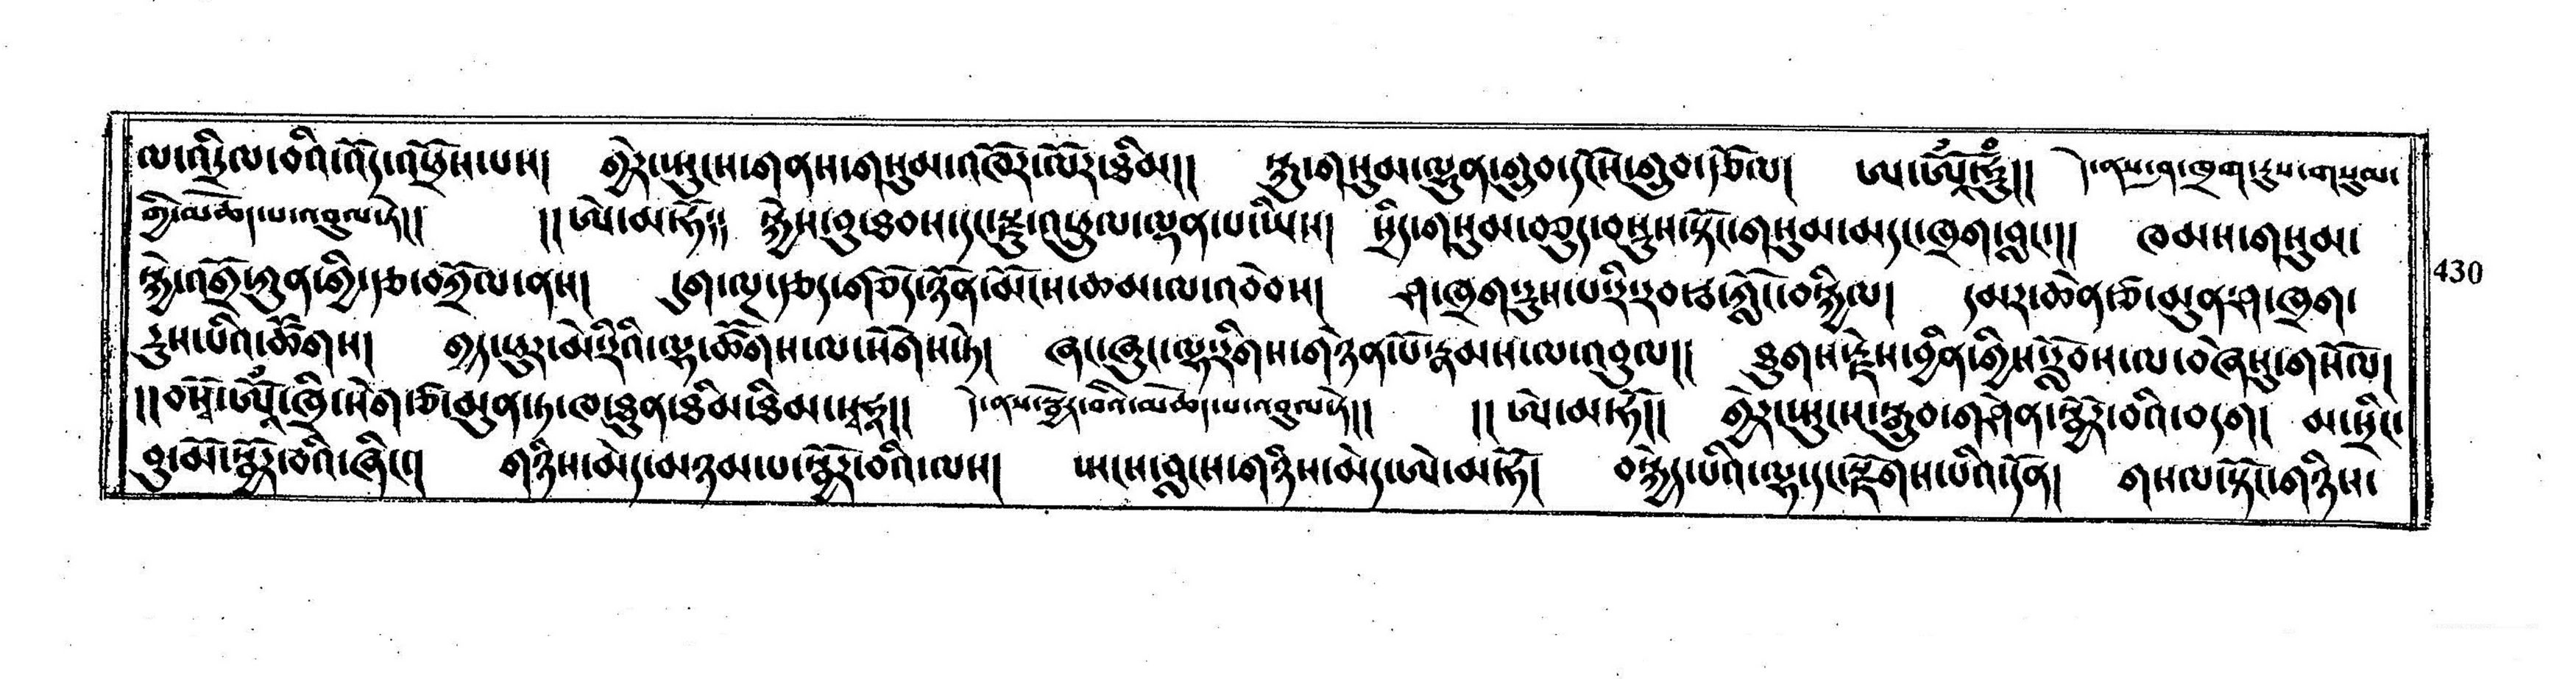ལ་འདྲིལ་བའི་འོད་འཕྲོས་པས། གྱེར་སྤུངས་གནས་གསུམ་འཁོར་ལོར་ཐིམ།། སྐུ་གསུམ་ལྷུན་གྲུབ་དངོས་གྲུབ་རྩོལ། ཨ་ཨཱོཾ་ཧཱུྃ། དེ་ནས་ཤ་ཁྲག་རུས་གསུམ་
གྱི་མཆོད་པ་འབུལ་ཏེ།། །།ཨེ་མ་ཧོ།། སྐྱེས་བུ་ཐབས་དང་རྫུ་འཕྲུལ་ལྡན་པ་ཡིས། སྲིད་གསུམ་བཅུད་བསྡུས་སྟོང་གསུམ་མདང་ཁྲག་བླང་།། ཁམས་གསུམ་
སྐྱེ་འགྲོ་ཀུན་གྱི་རྩ་བཀྲོལ་ནས། དུག་ལྔ་རྩད་གཅོད་ཉོན་མོངས་ཆམ་ལ་འབེབས། ཤ་ཁྲག་རུས་པ་རི་རབ་རྦ་ཀློང་བསྐྱིལ། དམར་ཆེན་ཙ་མུན་ཤ་ཁྲག་
རུས་པའི་ཚོགས། གྱད་ཕུར་མེ་རིའི་ལྷ་ཚོགས་ལ་སོགས་ཏེ། ཞང་ཞུང་ལྷ་རིགས་གཉེན་པོ་རྣམས་ལ་འབུལ།། ཐུགས་རྗེས་བྱིན་གྱིས་རློབས་ལ་བཞེས་སུ་གསོལ། 
།།བསྭོ་ཨཱོཾ་ཁྲི་སེག་ཙ་མུན་ཏ་ཁ་ཐུན་ཐིམ་ཐིམ་སྭཧཱ།། དེ་ནས་སྦྱོར་བའི་མཆོད་པ་འབུལ་ཏེ།། །།ཨེ་མ་ཧོ།། གྱེར་སྤུངས་སྒྲུབ་གཤེན་སྦྱོར་བའི་བདག །མ་སྲིང་
བུ་མོ་སྦྱོར་བའི་ཞིང་། གཉིས་མེད་མཉམ་པ་སྦྱོར་བའི་ལས། སྤངས་བླངས་གཉིས་མེད་ཨེ་མ་ཧོ། བསྐྱེད་པའི་ལྷ་དང་རྫོགས་པའི་དོན། གསལ་སྟོང་གཉིས་